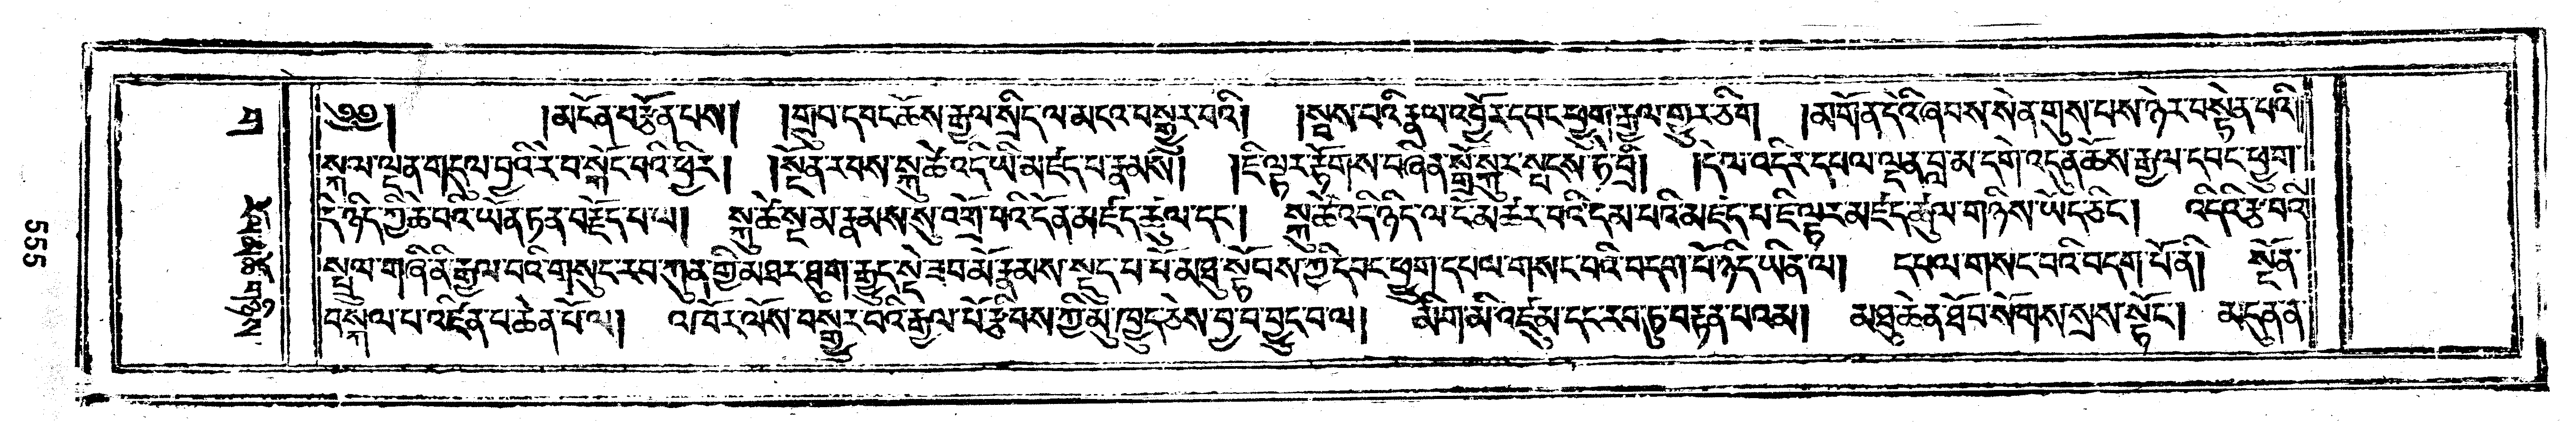༄༅། །མངོན་བརྩོན་པས། །གྲུབ་དབང་ཆོས་རྒྱལ་སྲིད་ལ་མངའ་བསྒྱུར་བའི། །སྦས་པའི་རྣལ་འབྱོར་དབང་ཕྱུག་རྒྱལ་གྱུར་ཅིག །མགོན་དེའི་ཞབས་སེན་གུས་པས་ཉེར་བསྟེན་པའི་
སྐལ་ལྡན་གདུལ་བྱའི་རེ་བ་སྐོང་བའི་ཕྱིར། །སྔོན་རབས་སྐུ་ཚེ་འདི་ཡི་མཛད་པ་རྣམས། །ནི་ལྟར་རྟོགས་བཞིན་སྒྲོ་སྐུར་སྤངས་ཏེ་བྲི། །དེ་ལ་འདིར་དཔལ་ལྡན་བླ་མ་དགེ་འདུན་ཆོས་རྒྱལ་དབང་ཕྱུག་
དེ་ཉིད་ཀྱི་ཆེ་བའི་ཡོན་ཏན་བརྗོད་པ་ལ། སྐུ་ཚེ་སྔ་མ་རྣམས་སུ་འགྲོ་བའི་དོན་མཛད་ཚུལ་དང་། སྐུ་ཚེ་འདི་ཉིད་ལ་ངོ་མཚར་བའི་དམ་པའི་མཛད་པ་ཇི་ལྟར་མཛད་ཚུལ་གཉིས་ཡོད་ཅིང་། འདིའི་རྩ་བའི་
སྤྲུལ་གཞི་ནི་རྒྱལ་བའི་གསུང་རབ་ཀུན་གྱི་མཐར་ཐུག་རྒྱུད་སྡེ་ཟབ་མོ་རྣམས་སྡུད་པ་པོ་མཐུ་སྟོབས་ཀྱི་དབང་ཕྱུག་དཔལ་གསང་བའི་བདག་པོ་ཉིད་ཡིན་ལ། དཔལ་གསང་བའི་བདག་པོ་ནི། སྔོན་
བསྐལ་པ་འཛིན་པ་ཆེན་པོ་ལ། འཁོར་ལོས་བསྒྱུར་བའི་རྒྱལ་པོ་རྩིབས་ཀྱི་མུ་ཁྱུད་ཅེས་བྱ་བ་བྱུང་བ་ལ། མིག་མི་འཛུམ་དང་རབ་ཏུ་བརྟན་པའམ། མཐུ་ཆེན་ཐོབ་སོགས་སྲས་སྟོང་། མདུན་ན་